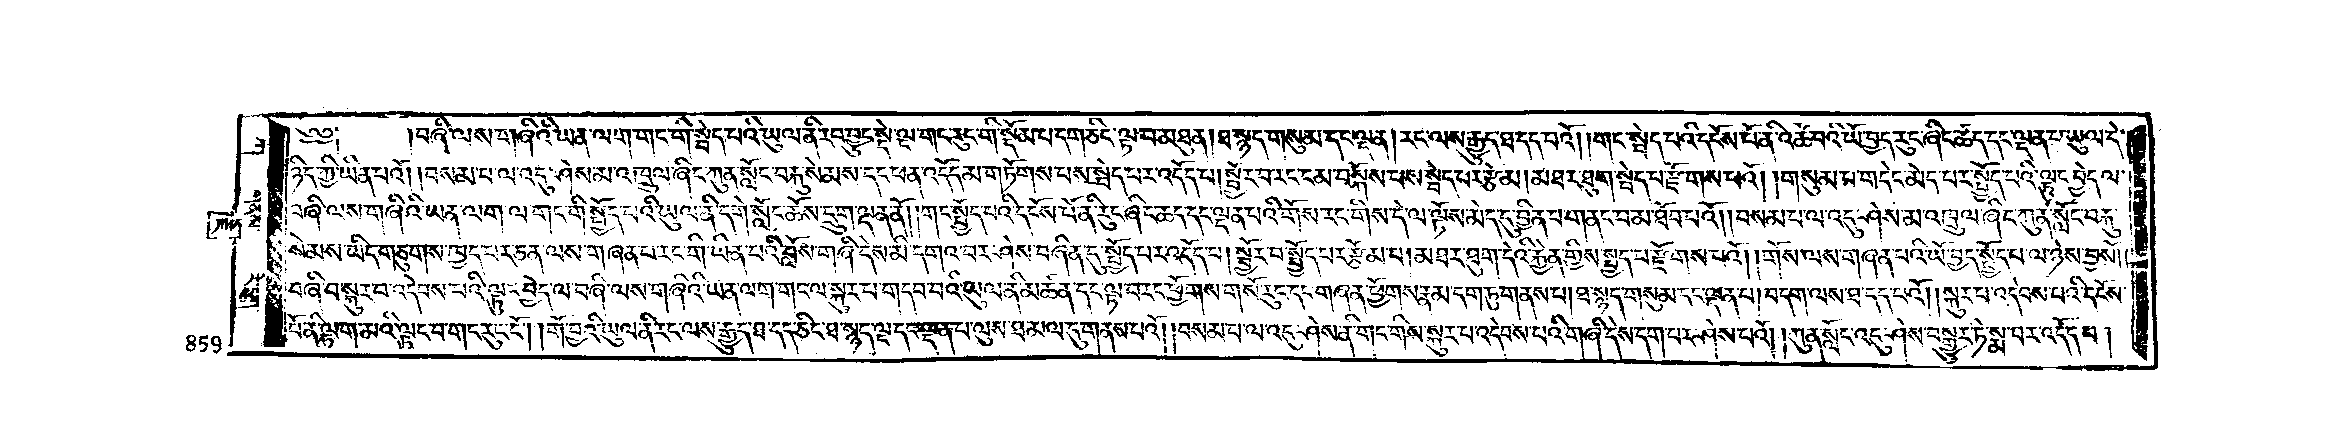༄༅།།བཞི་ལས་གཞིའི་ཡན་ལག་གང་གི་སྦེད་པའི་ཡུལ་ནི་རབ་བྱུང་སྡེ་ལྔ་གང་རུང་གི་སྡོམ་པ་དག་ཅིང་ལྟ་བ་མཐུན། ཐ་སྙད་གསུམ་དང་ལྡན། རང་ལས་རྒྱུད་ཐ་དད་པའོ། །གང་སྦེད་པའི་དངོས་པོ་ནི་འཚོ་བའི་ཡོ་བྱད་རུང་ཞིང་ཚད་དང་ལྡན་པ་ཡུལ་དེ་
ཉིད་ཀྱི་ཡིན་པའོ། །བསམ་པ་ལ་འདུ་ཤེས་མ་འཁྲུལ་ཞིང་ཀུན་སློང་བརྐུ་སེམས་དང་ཕན་འདོད་མ་གཏོགས་པས་སྦེད་པར་འདོད་པ། སྦྱོར་བ་རང་ངམ་བསྐོས་པས་སྦེད་པར་རྩོམ། མཐར་ཐུག་སྦེད་པ་རྫོགས་པའོ། །གསུམ་པ་གདེང་མེད་པར་སྤྱོད་པའི་ལྟུང་བྱེད་ལ་
བཞི་ལས་གཞིའི་ཡན་ལག་ལ་གང་གི་སྤྱོད་པའི་ཡུལ་ནི་དགེ་སློང་ཆོས་དྲུག་ལྡན་ནོ། །གང་སྤྱོད་པའི་དངོས་པོ་ནི་རུང་ཞིང་ཆད་དང་ལྡན་པའི་གོས་རང་གིས་དེ་ལ་ལྟོས་མེད་དུ་བྱིན་པ་གནང་བ་མ་ཐོབ་པའོ། །བསམ་པ་ལ་འདུ་ཤེས་མ་འཁྲུལ་ཞིང་ཀུན་སློང་བརྐུ་
སེམས་ཡིད་གཅུགས་ཁྱད་པར་ཅན་ལས་གཞན་པ་རང་གི་ཡིན་པའི་བློས་གཞི་དེས་མི་དགའ་བར་ཤེས་བཞིན་དུ་སྤྱོད་པར་འདོད་པ། སྦྱོར་བ་སྤྱོད་པར་རྩོམ་པ། མཐར་ཐུག་དེའི་རྐྱེན་གྱིས་སྤྱད་པ་རྫོགས་པའོ། །གོས་ལས་གཞན་པའི་ཡོ་བྱད་སྤྱོད་པ་ལ་ཉེས་བྱས་སོ། །
བཞི་བ་སྐུར་བ་འདེབས་པའི་ལྟུང་བྱེད་ལ་བཞི་ལས་གཞིའི་ཡན་ལག་གང་ལ་སྐུར་བ་གདབ་པའི་ཡུལ་ནི་མཚན་དང་ལྟ་བ་རང་ཕྱོགས་གསོ་རུང་དང་གཞན་ཕྱོགས་རྣམ་དག་ཏུ་གནས་པ། ཐ་སྙད་གསུམ་དང་ལྡན་པ། བདག་ལས་ཐ་དད་པའོ། །སྐུར་པ་འདེབས་པའི་དངོས་
པོ་ནི་ལྷག་མའི་ལྟུང་བ་གང་རུང་ངོ། །གོ་བྱའི་ཡུལ་ནི་རང་ལས་རྒྱུད་ཐ་དད་ཅིང་ཐ་སྙད་ལྔ་དང་ལྡན་པ་ལུས་ཐ་མལ་དུ་གནས་པའོ། །བསམ་པ་ལ་འདུ་ཤེས་ནི་གང་གིས་སྐུར་པ་འདེབས་པའི་གཞི་དེས་དག་པར་ཤེས་པའོ། །ཀུན་སློང་འདུ་ཤེས་བསྒྱུར་ཏེ་སྨྲ་བར་འདོད་པ།